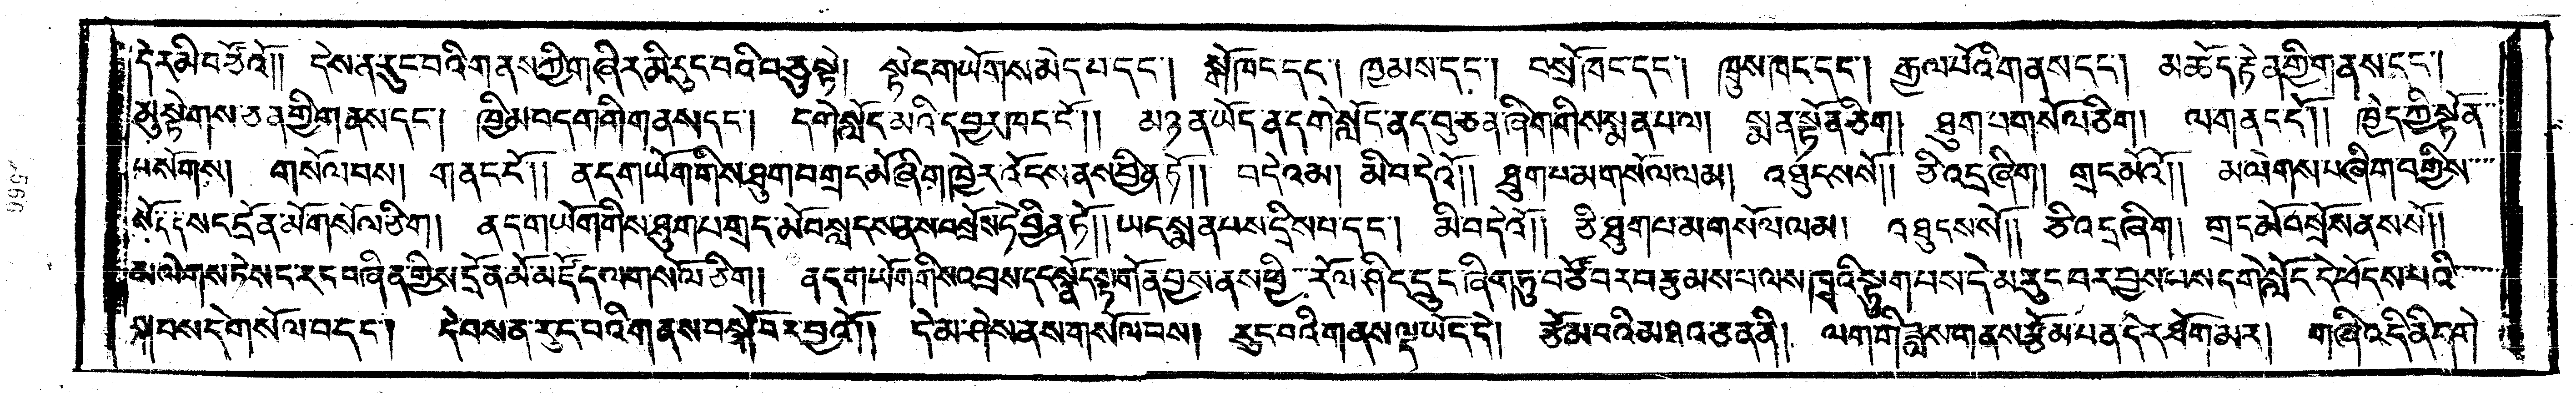དེར་མི་བཙོའོ།། དེས་ན་རུང་བའི་གནས་ཀྱི་གཞིར་མི་རུང་བའི་བཅུ་སྟེ། སྟེང་གཡོགས་མེད་པ་དང་། སྒོ་ཁང་དང་། ཁྱམས་དང་། བསྲོ་ཁང་དང་། ཁྲུས་ཁང་དང་། རྒྱལ་པོའི་གནས་དང་། མཆོད་རྟེན་གྱི་གནས་དང་།
མུ་སྟེགས་ཅན་གྱི་གནས་དང་། ཁྱིམ་བདག་གི་གནས་དང་། དགེ་སློང་མའི་དབྱར་ཁང་ངོ།། མཉན་ཡོད་ན་དགེ་སློང་ནད་བུ་ཅན་ཞིག་གིས་སྨན་པ་ལ། སྨན་སྟོན་ཅིག། ཐུག་པ་གསོལ་ཅིག། ལ་གནང་ངོ།། ཁྱེད་ཀྱི་སྟོན་
པ་སོགས། གསོལ་བས། གནང་ངོ།། ནང་གཡོག་གིས་ཐུག་བགྲང་མོ་ཞིག་ཁྱེར་འོངས་ནས་བྱིན་ཏོ།། བདེའམ་མི་བདེའོ།། ཐུག་པ་མ་གསོལ་ལམ། འཐུངས་སོ།། ཅི་འདྲ་ཞིག། གྲང་མོའོ།། མ་ལེགས་པ་ཞིག་བགྱིས་
སོ༑ ༑སང་དྲོན་མོ་གསོལ་ཅིག། ནད་གཡོག་གིས་ཐུག་པ་གྲང་མོས་བསླངས་ནས་བསྲོས་ཏེ་བྱིན་ཏོ། །ཡང་སྨན་པས་དྲིས་པ་དང་། མི་བདེའོ།། ཅི་ཐུག་པ་མ་གསོལ་ལམ། འཐུངས་སོ།། ཅི་འདྲ་ཞིག། གྲང་མོ་བསྲོས་ནས་སོ།།
མ་ལེགས་ཏེ་སང་རང་བཞིན་གྱིས་དྲོན་མོ་མཛོད་ལ་གསོལ་ཅིག། ནད་གཡོག་གིས་འབྲས་དང་སྣོད་སྟ་གོན་བྱས་ནས་ཕྱི་རོལ་ཤིང་དྲུང་ཞིག་ཏུ་བཙོ་བར་བརྩམས་པ་ལས་ཁྭའི་སྟུག་པས་དེ་མ་རུང་བར་བྱས་པས་དགེ་སློང་དེ་ཕོངས་པའི་
སྐབས་དེ་གསོལ་བ་དང་། དེ་བས་ན་རུང་བའི་གནས་བསྐོ་བར་བྱའོ།། དེ་མ་ཤེས་ནས་གསོལ་བས། རུང་བའི་གནས་ལྔ་ཡོད་དེ། རྩོམ་པའི་མཐའ་ཅན་ནི། ལག་གི་ཟླས་གནས་རྩོམ་པ་ན་དེར་ཐོག་མར། གཞི་འདི་ནི་དགེ་